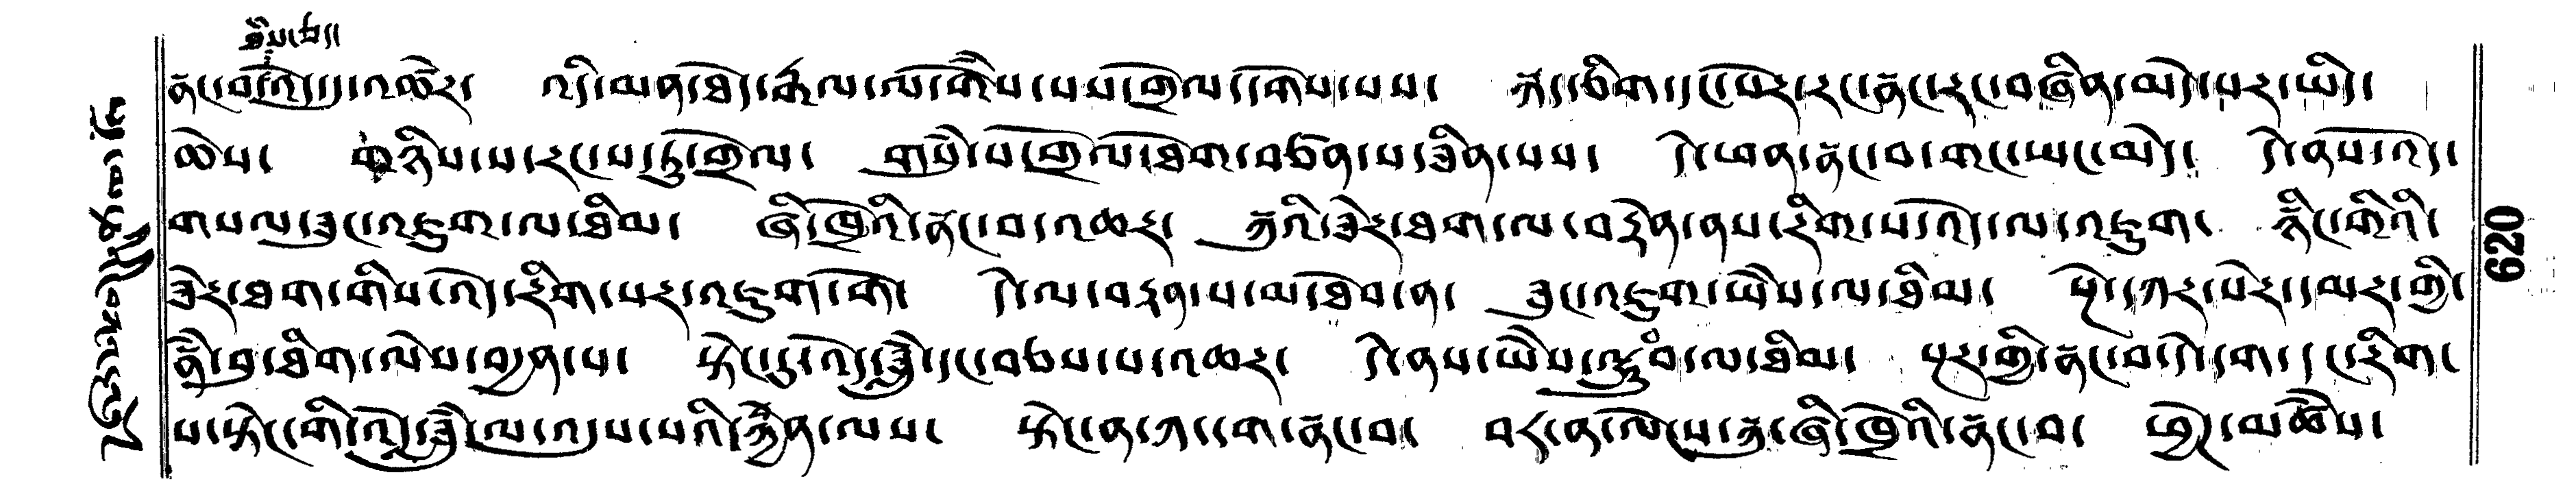སྣང་བ་ཐམས་ཅད་འོད་དུ་འཚེར། འདི་མན་ཐོད་རྒལ་ལ་གོམས་པས་གྲོལ་དགོས་པས། སྐད་ཅིག་དང་པོར་རང་སྣང་རང་བཞིན་མེད་པར་ཡིད་
ཆེས། གཉིས་པ་རང་ས་རུ་གྲོལ། གསུམ་པ་གྲོལ་ཐོག་བཙན་ས་ཟིན་པས། དེ་ཕན་སྣང་བ་གང་ཡང་མེད། དེ་ནས་འོད་
གསལ་ཟུང་འཇུག་ལ་ཐིམ། ཞི་ཁྲོའི་སྣང་བ་འཆར། སྐུའི་ཟེར་ཐག་ལ་བརྟེན་ནས་རིག་པ་འོད་ལ་འཇུག་ སྙིང་གའི་
ཟེར་ཐག་གིས་འོད་རིག་པར་འཇུག་གོ དེ་ལ་བརྟན་པ་མ་ཐོབ་ན། ཟུང་འཇུག་ཡེ་ཤེས་ལ་ཐིམ། སྔོ་དཀར་སེར་དམར་གྱི
སྣམ་བུ་ཐིག་ལེས་བརྒྱན་པ། སྟེང་དུ་འོད་ཟླུམ་དང་བཅས་པ་འཆར། དེ་ནས་ཡེ་ཤེས་ལྷུན་གྲུབ་ལ་ཐིམ། སྔར་གྱི་སྣང་བ་དེ་དག་དང་རིག་
པ་སྟེང་གི་འོད་ཟླུམ་ལ་འདུས་པའི་རྐྱེན་ལས། སྟེང་དུ་འོད་ཟླུམ་དང་བཅས་པ་འཆར བར་ན་ལོངས་སྐུ་ཞི་ཁྲོའི་སྣང་བ། ཕྱོགས་མཚམས་